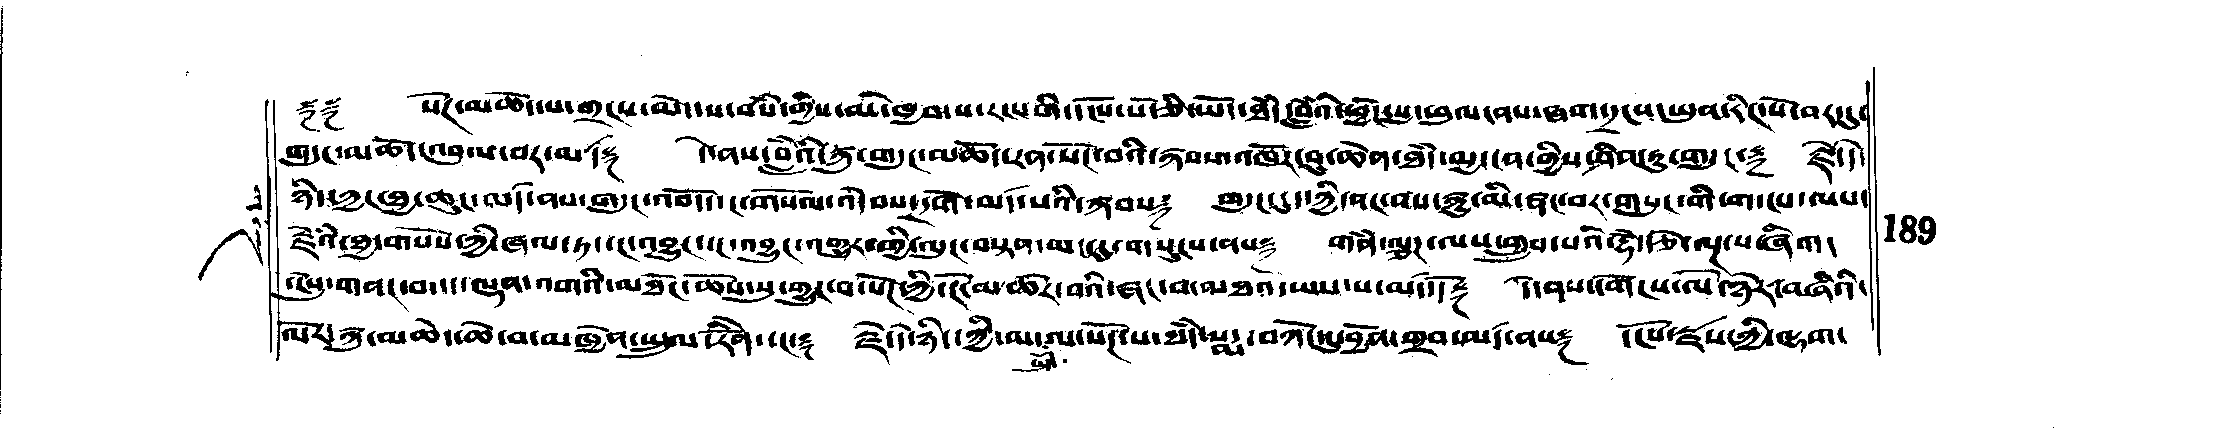སོགས་མཆོད་པ་གྲངས་མེད་པ་བསམ་གྱིས་མི་ཁྱབ་པ་རང་གི་དངོས་པོ་ཅི་ཡོད་ཐམས་ཅད་བླ་མའི་ཕྱོགས་སུ་ཕུལ་ནས་ཞག་གྲངས་ཡུན་རིང་པོ་བར་དུ་
གདུང་མཆོད་འབུལ་བར་མཛད། དེ་ནས་བླ་མའི་སྐུ་གདུང་མཆོད་རན་སོང་བའི་སྐབས་འཁོར་བུ་ཆེན་ཐམས་ཅད་མྱ་ངན་གྱིས་ཤིན་ཏུ་གདུང་། རྗེ་དེ་
ཉིད་ཀྱང་ཐུགས་ཆུང་མཛད་ནས་གདུང་འབོད་དང་གསོལ་འདེབས་དྲག་པོ་མཛད་པའི་སྐབས། གདུང་དུད་ཀྱི་ནང་ནས་སྐུ་མི་སྣང་བར་གསུང་གི་གདངས་ལས་
རྗེའི་ཐུགས་གསོས་ཀྱི་ཞལ་ཏ་དང་འབྱུང་དང་འབྱུང་འགྱུར་གྱི་ལུང་བསྟན་མང་དུ་གསུངས་ནས། གནམ་ལྕགས་ལས་གྲུབ་པའི་རྡོ་རྗེ་རྩེ་ལྔ་པ་ཞིག་
དངོས་སུ་གནང་བ་དད་ལྡན་འགའི་མཐོང་ཆོས་སུ་གྱུར་པ་སོགས་ཀྱི་ངོ་མཚར་བའི་སྣང་བ་མཐའ་ཡས་པ་མཛད་དོ། དེ་ནས་དགུང་ལོ་ཉེར་བཞིའི་
ལོར་སྐུ་མཆེད་ཆེ་བ་མཁྱེན་སྤྲུལ་རིན་པོ་ཆེ་དང་། རྗེ་དེ་ཉིད་ཀྱི་མ་ཡུམ་ལ་སོགས་པ་ཐམས་ཅད་པདྨ་བཀོད་དུ་བྱོན་གྲབས་མཛད་ནས།དངོས་རྫས་ཀྱི་ལྷག་